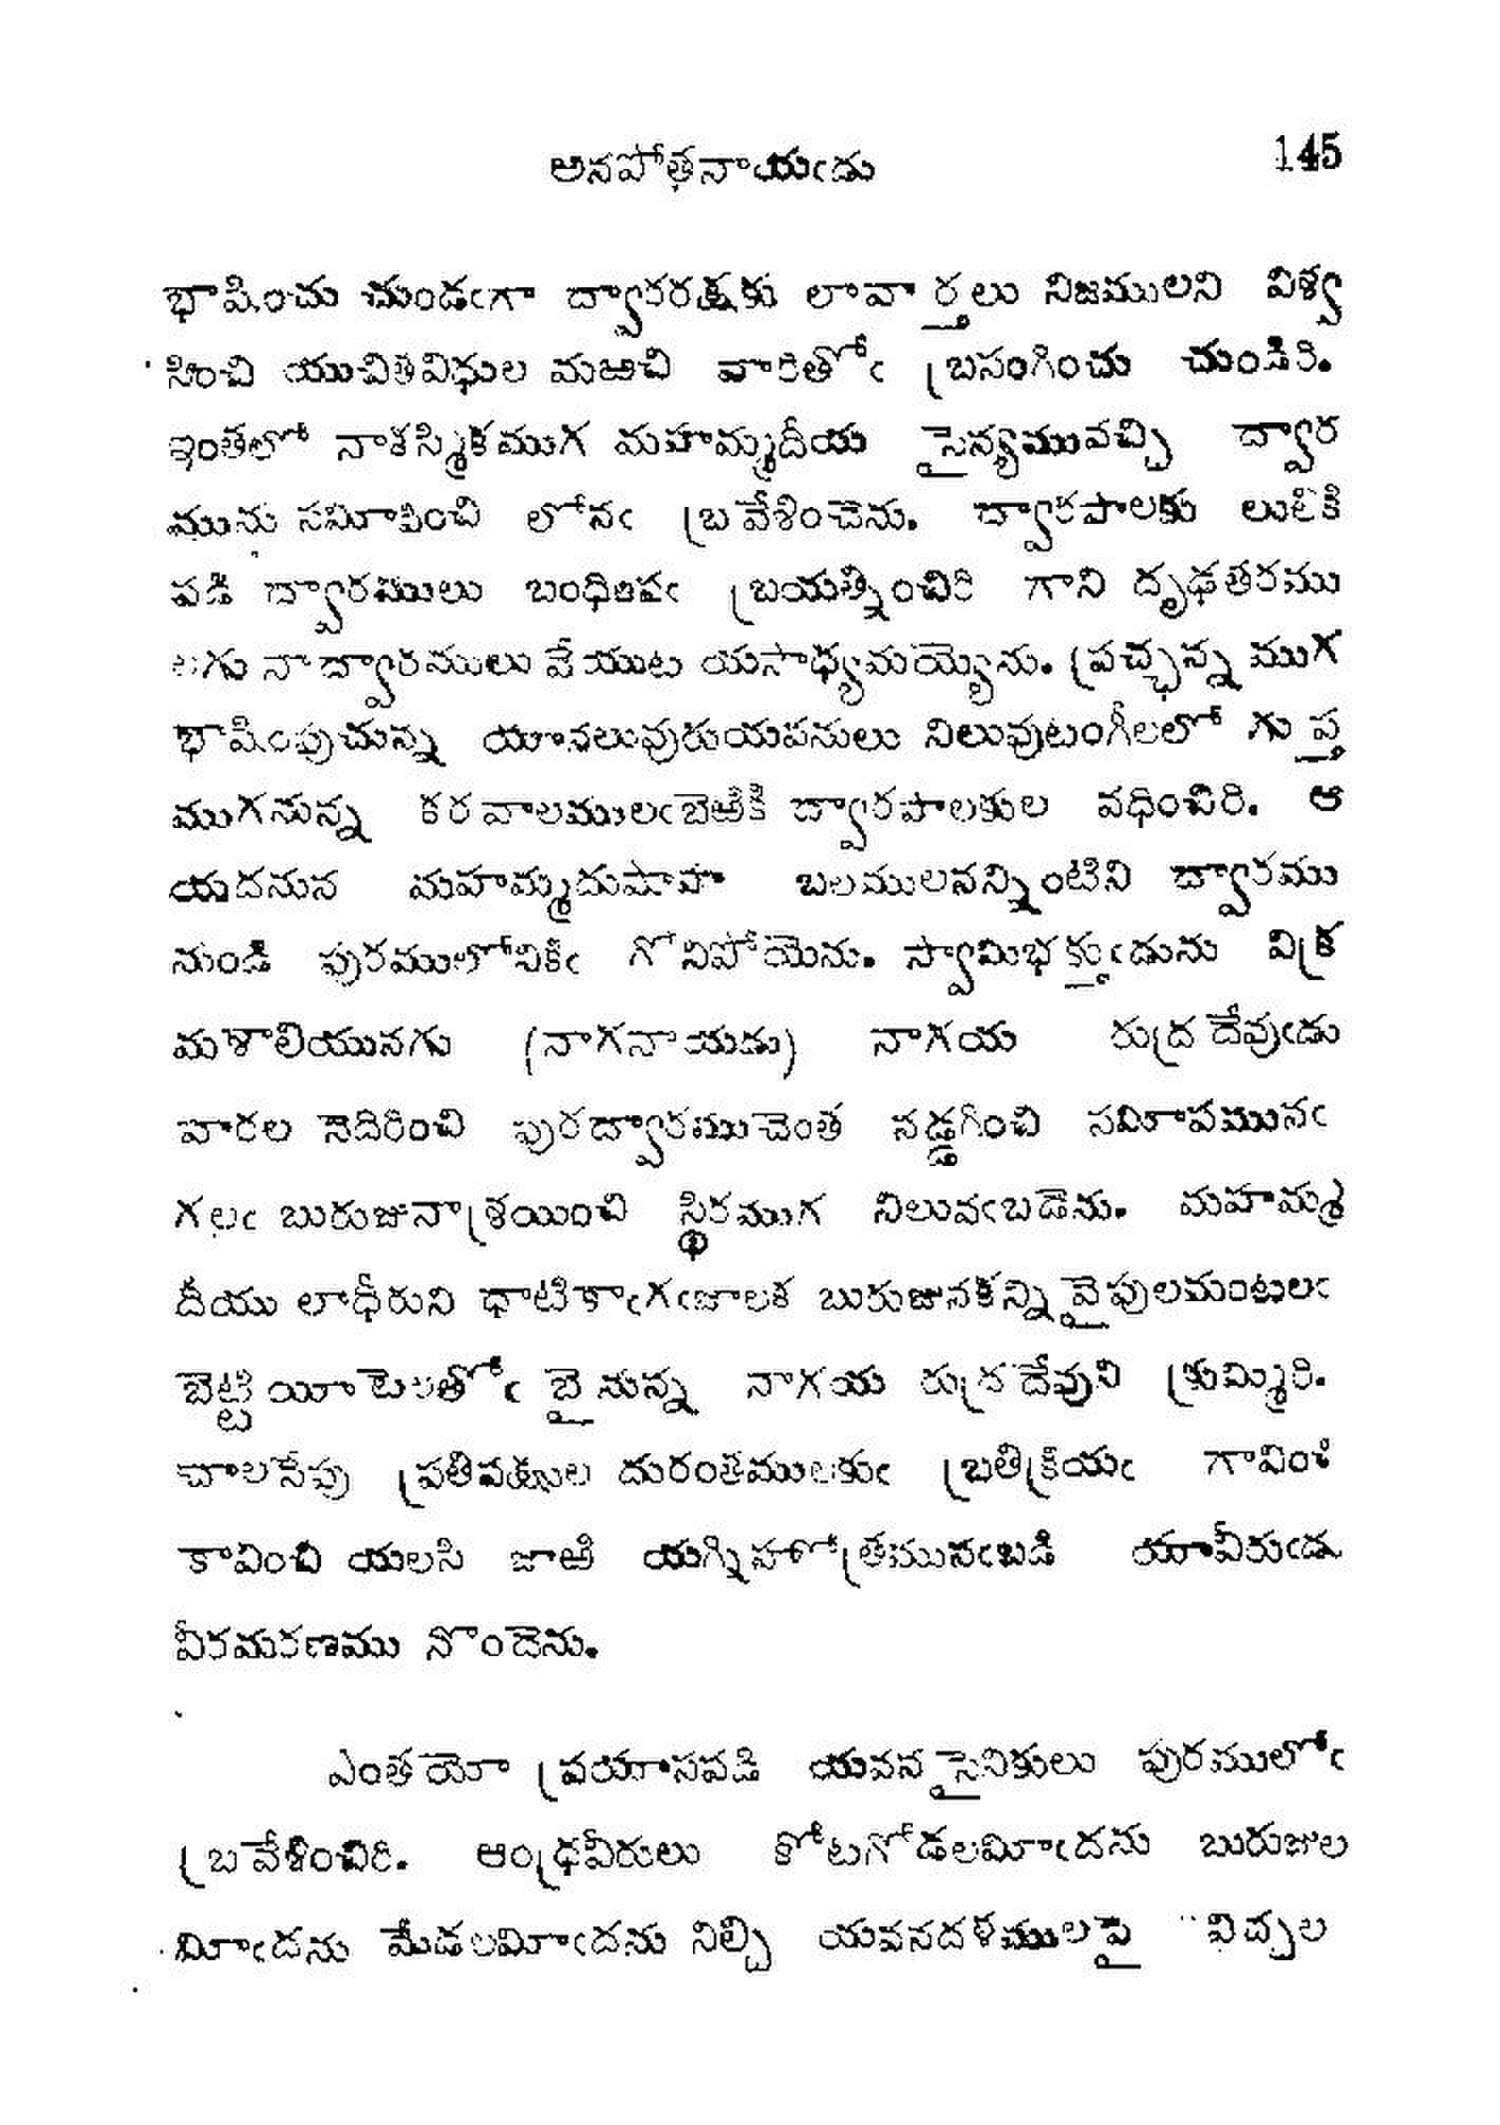భాషించు చుండగా ద్వారరక్షకు లావార్తలు నిజములని విశ్వసించి యుచితవిధుల మఱచి వారితో బ్రసంగించు చుండిరి. ఇంతలో నాకస్మికముగ మహమ్మదీయ సైన్యమువచ్చి ద్వారమును సమీపించి లోన బ్రవేశించెను. ద్వారపాలకు లులికిపడి ద్వారములు బంధింప బ్రయత్నించిరి. గాని దృడతరములగు నాద్వారములు వేయుట యసాధ్యమయ్యెను. ప్రచ్ఛన్నముగ భాషింపుచున్న యానలువురు యవనులు నిలువుటంగీలలో గుప్తముగనున్న కరవాలములబెఱికి ద్వారపాలకుల వధించిరి. ఆ యదనున మహమ్మదుషాహ బలములన్నింటిని ద్వారము నుండి పురములోనికి గొనిపోయెను. స్వామిభక్తుడును విక్రమశాలియునగు (నాగనాయడు) నాగయ రుద్రదేవుడు వారల నెదిరించి పురద్వారముచెంత నడ్డగించి సమీపమున గల బురుజునాశ్రయించి స్థిరముగ నిలువబడెను. మహమ్మదీయు లాధీరుని ధాటికాగజాలక బురుజునకన్నివైపులమంటలబెట్టి యీటెలతో బైనున్న నాగయ రుద్రదేవుని క్రుమ్మిరి. చాలసేపు ప్రతిపక్షుల దురంతములకు బ్రతిక్రియ గావించి కావించి యలసి జాఱి యగ్నిహోత్రమునబడి యావీరుడు వీరమరణము నొందెను.

ఎంతయో ప్రయాసపడి యవనసైనికులు పురములో బ్రవేశించిరి. ఆంధ్రవీరులు కోటగోడలమీదను బురుజులమీదను మేడలమీదను నిల్చి యవనదళములపై విచ్చల